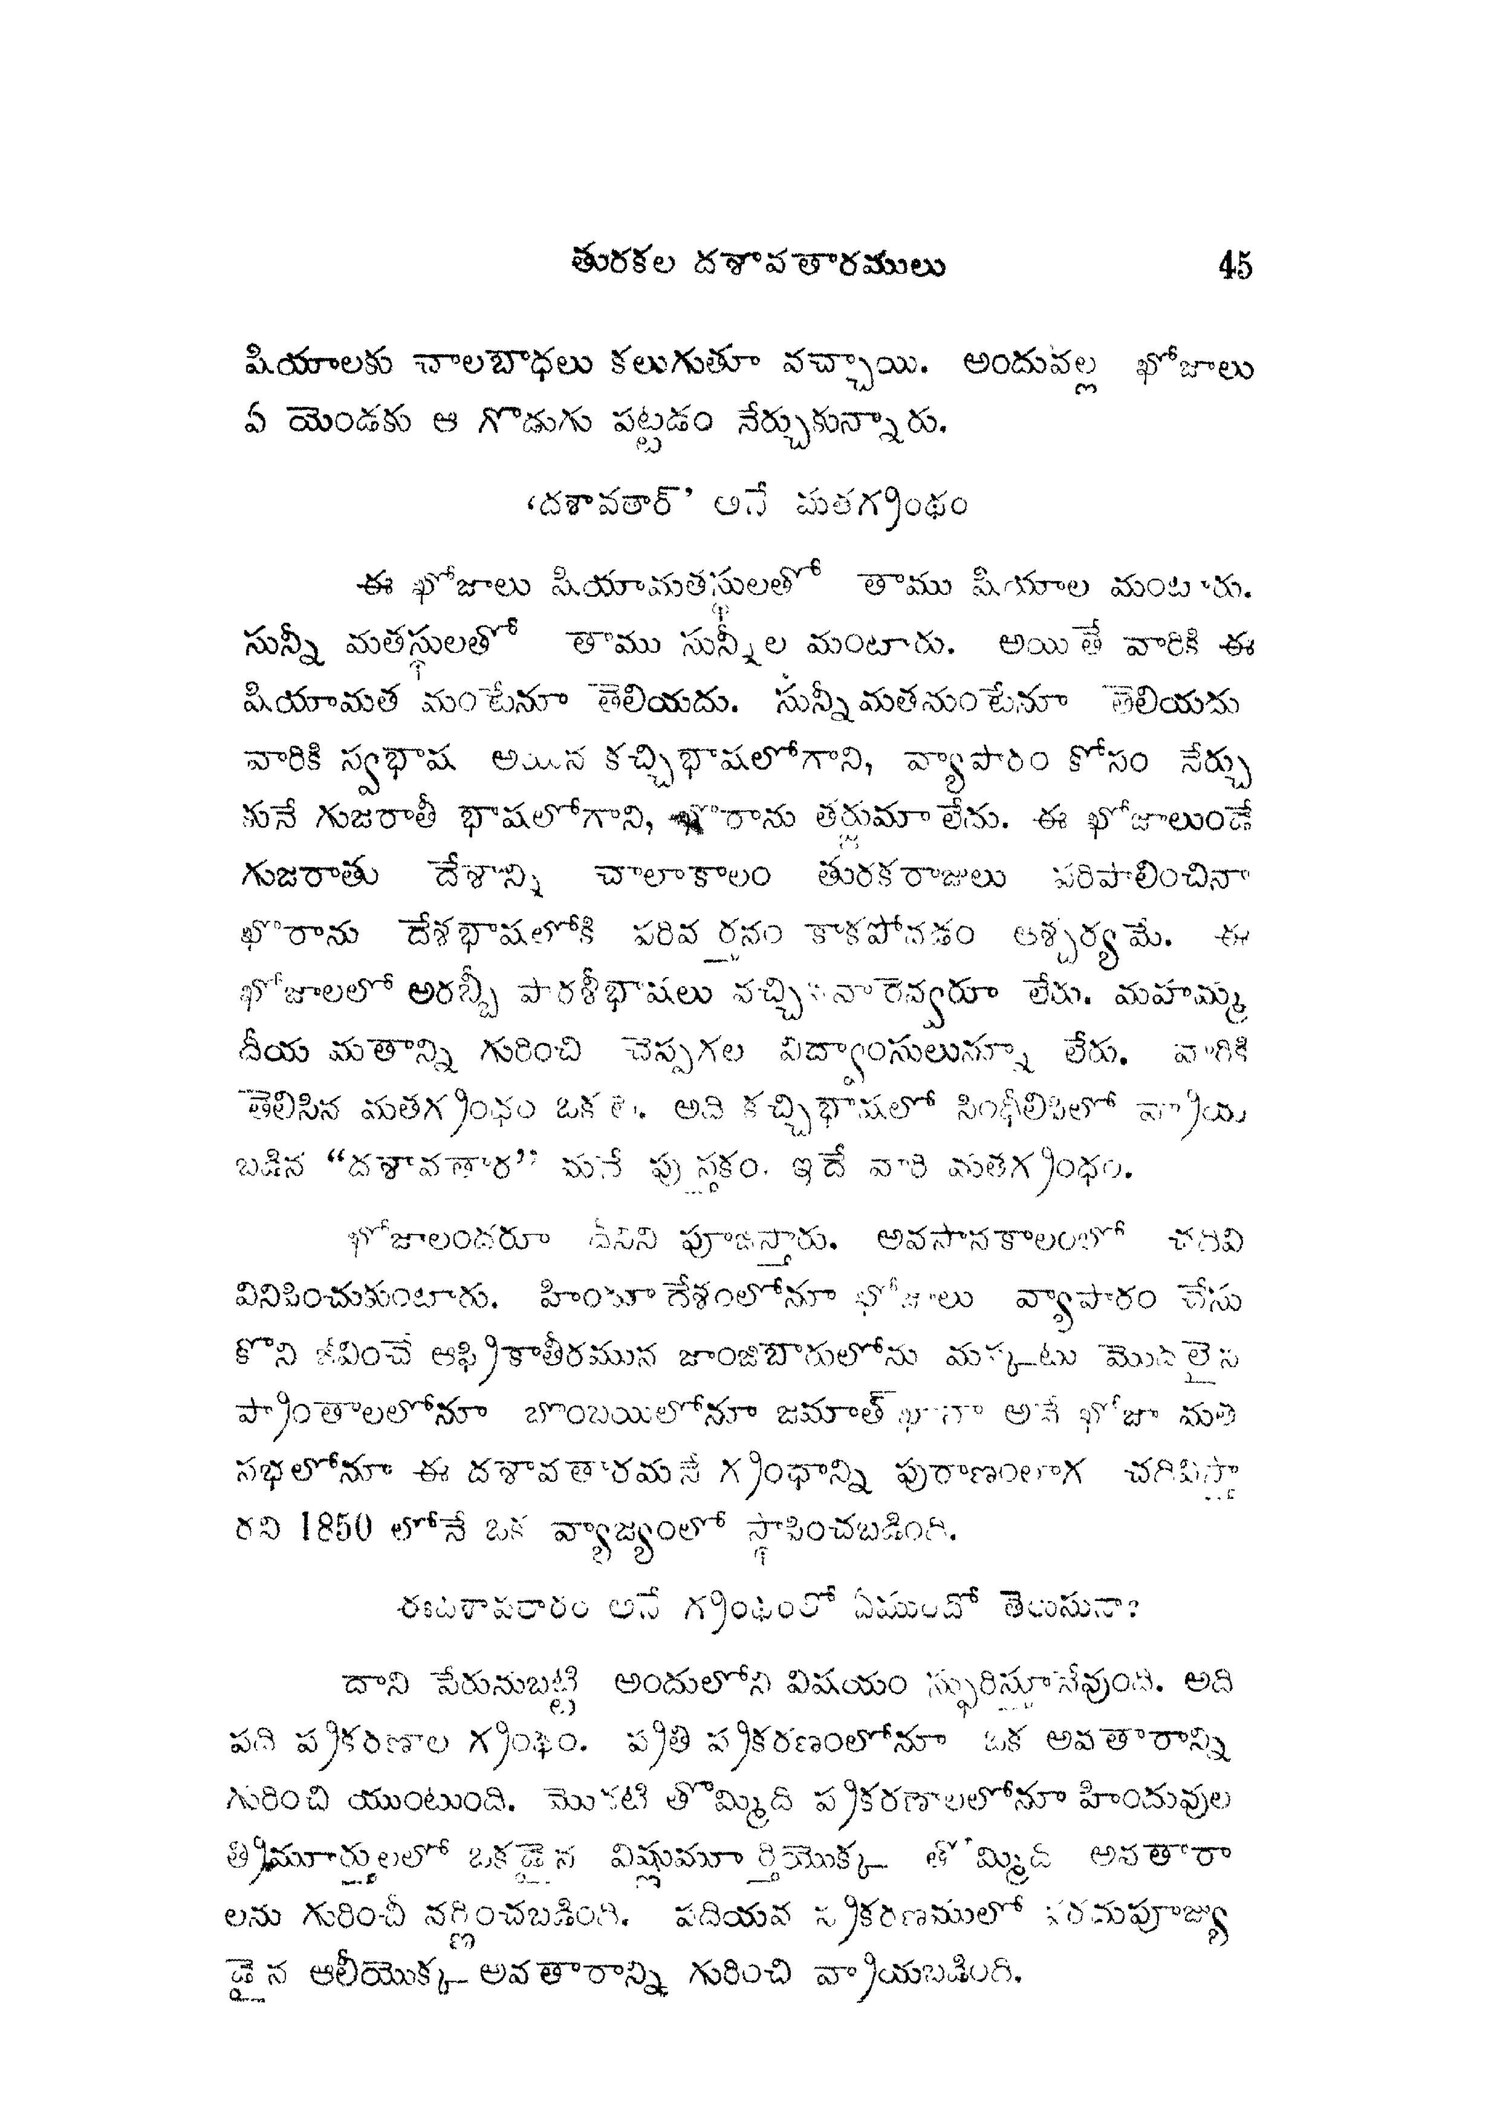షియాలకు చాలాబాధలు కలుగుతూ వచ్చాయి. అందువల్ల ఖోజాలు ఏ యెండకు ఆ గొడుగు పట్టడం నెర్చుకున్నారు.

ఈ ఖోజాలు షియామతస్థులతో తాము షియాల మంటారు. సున్నీ మతస్థులతో తాము సున్నీల మంటారు. అయితే వారికి ఈ షియామత మంటేనూ తెలియదు. సున్నీమతమంటేనూ తెలియదు వారికి స్వభాష అయిన కచ్చిభాషలో గాని, వ్యాపారం కోసం నేర్చుకునే గుజరాతీ భాషలోగాని, ఖొరాను తర్జుమాలేదు. ఈ ఖోజాలుండే గుజరాతు దేశాన్ని చాలాకాలం తురకరాజులు పరిపాలించినా ఖొరాను దేశభాషలోకి పరివర్తనం కాకపోవడం ఆశ్చర్యమే. ఈ ఖోజాలలో అరబ్బీ పారశీభాషలు వచ్చినవారెవ్వరూ లేరు. మహమ్మదీయ మతాన్ని గురించి చెప్పగల విద్యాంసులున్నూ లేరు. వారికి తెలిసిన మతగ్రంధం ఒకటి, అది కచ్చిభాషలో సింధీలిపిలోవ్రాయబడిన "దశావతార" మనే పుస్తకం ఇదే వారి మతగ్రంధం.

ఖోజాలందరు దీనిని పూజిస్తారు. అవసానకాలంలో చదివి వినిపించుకుంటారు. హిందూదేశంలోనూ 
ఖోజాలు వ్యాపారం చేసుకొని జీవించే ఆఫ్రికాతీరమున జాంజిబారులోను మస్కటు మొదలైన ప్రాంతాలలోనూ బొంబయిలోనూ జమాత్ ఖానా అనే ఖోజా మతసభలోనూ ఈ దశావతారమనే గ్రంధాన్ని పురాణంలాగ చదివిస్తారని 1850 లోనే ఒక వాజ్యంలో స్థాపించబడింది.

దాని పేరునుబట్టి అందులోని విషయం స్ఫురిస్తూనేవుంది. అది పది ప్రకరణాల గ్రంధం. ప్రతి ప్రకరణంలోనూ ఒక అవతారాన్ని గురించి యుంటుంది. మొదటి తొమ్మిది ప్రకరణాలలోనూ హిందువుల త్రిమూర్తులలో ఒకడైన విష్ణు మూర్తియొక్క తొమ్మిది అవతారాలను గురించి వర్ణించబడింది. పదియవ ప్రకరణములో పరమపూజ్యుడైన ఆలీయొక్క అవతారాన్ని గురించి వ్రాయబడింది.